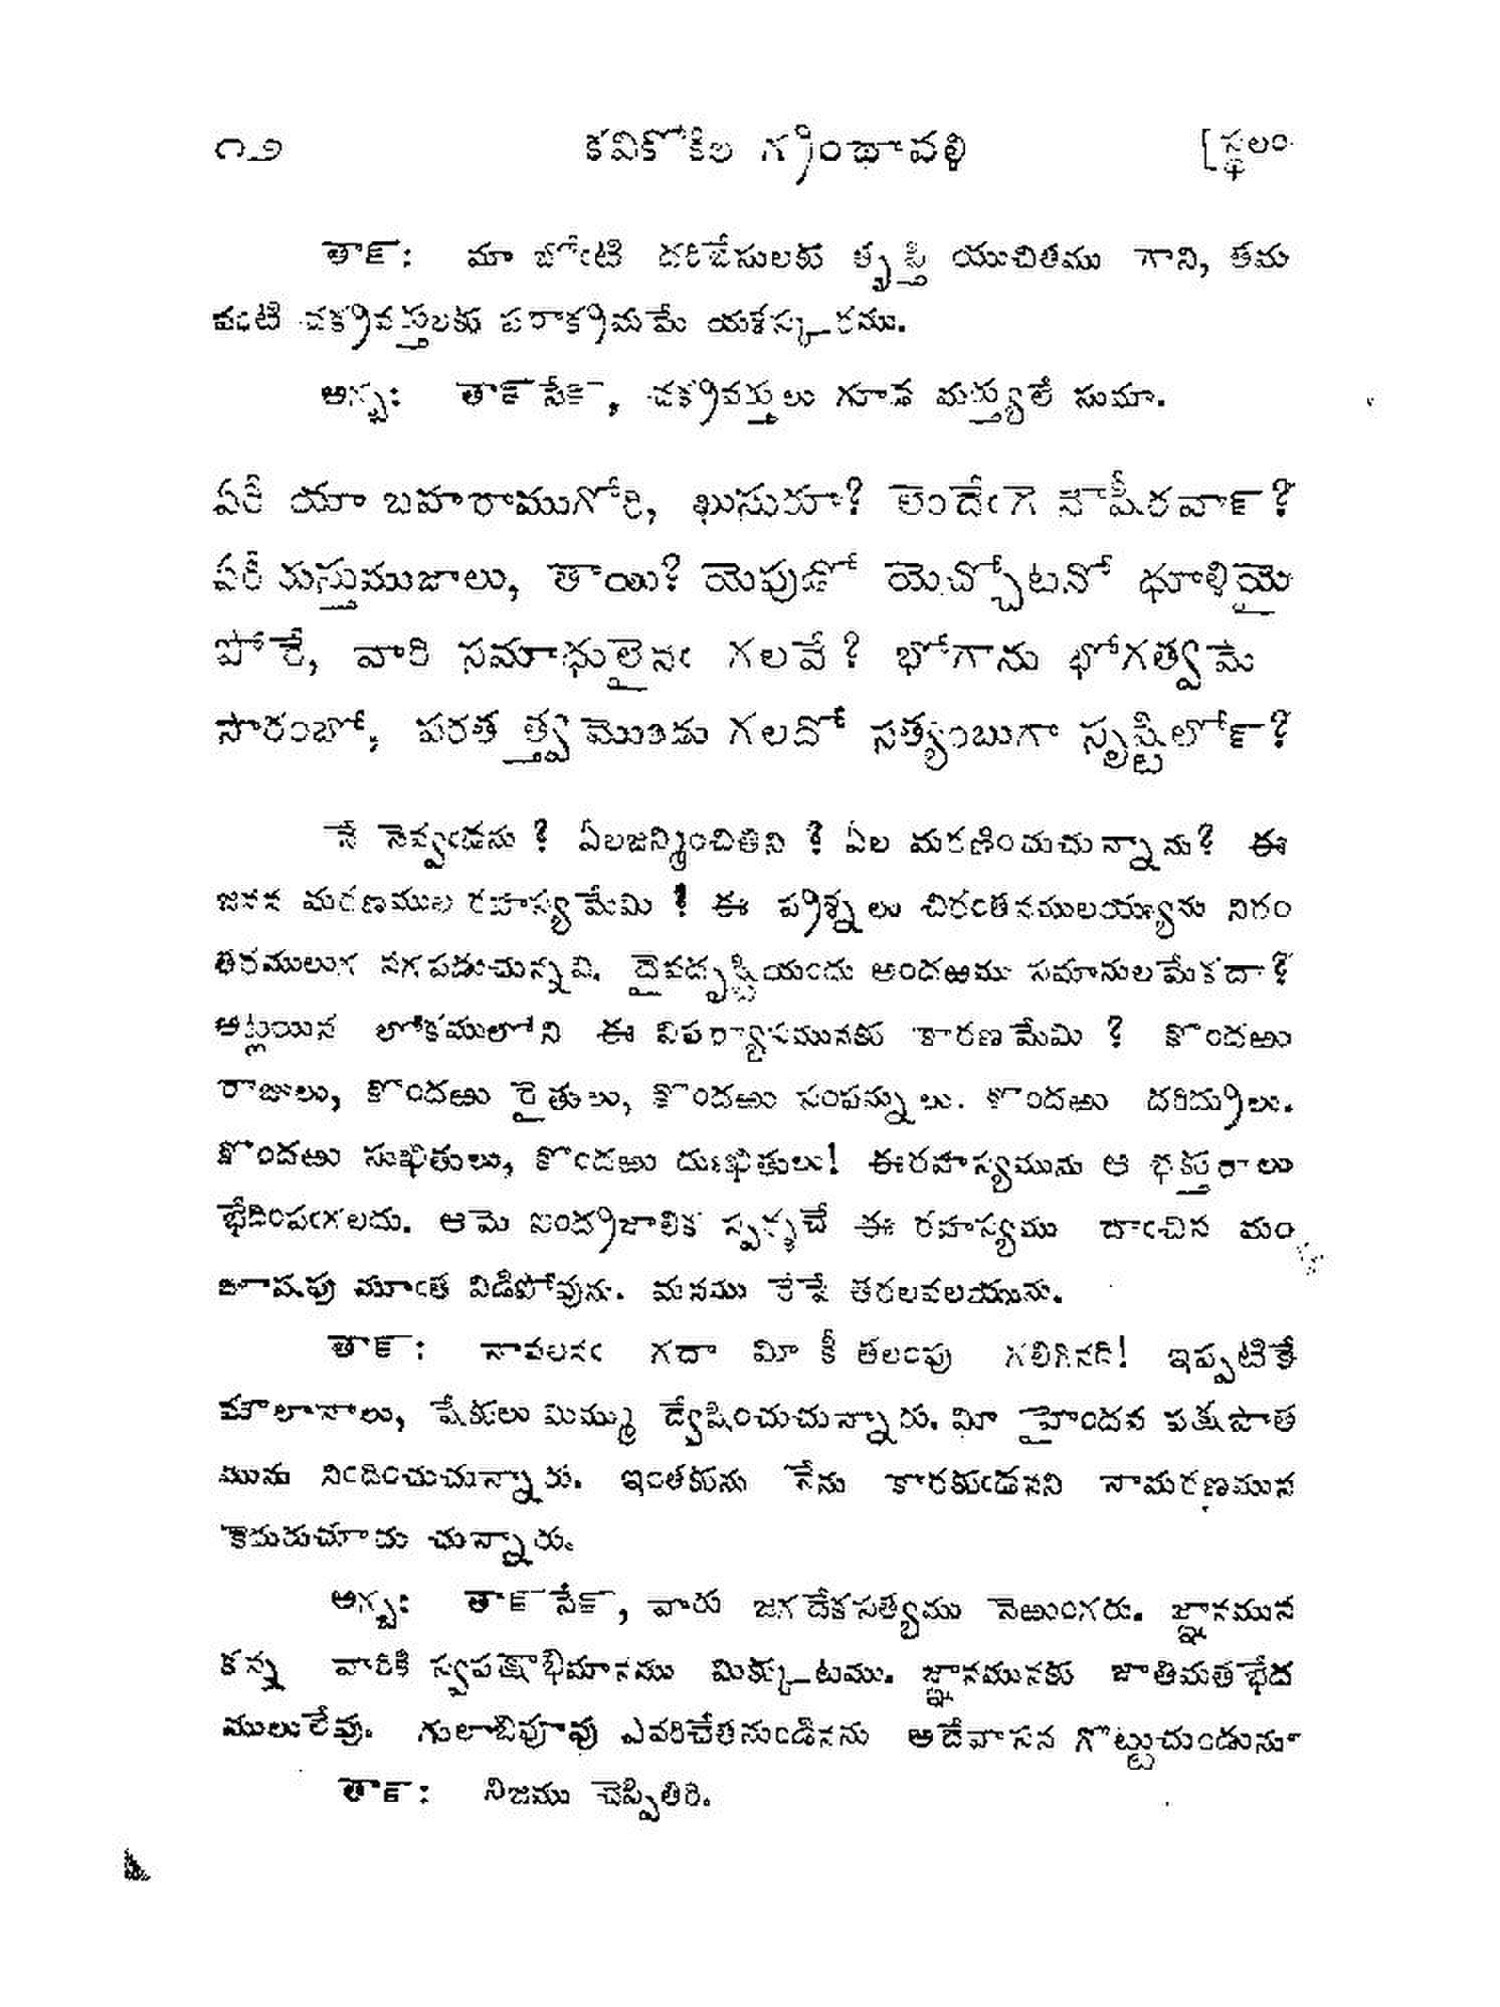తాన్ : మా బోఁటి దరిబేసులకు తృప్తి యుచితము గాని, తమవంటి చక్రవర్తులకు పరాక్రమమే యశస్కరము.

అగ్బ : తాన్‌సేన్, చక్రవర్తులు గూడ మర్త్యులే సుమా.

 ఏరీ యా బహరాముగోరి, ఖుసురూ ? లెందేఁగె సౌషీరవాన్ ?
 ఏరీ రుస్తుముజాలు, తాయి ? యెపుడో యెచ్చోటనో ధూళియై
 పోరే, వారి సమాధులైనఁ గలవే ? భోగాను భోగత్వమే
 సారంబో, పరతత్త్వమొండు గలదో సత్యంబుగా సృష్టిలోన్?

మే నెవ్వఁడను ? ఏలజన్మించితిని ? ఏల మరణించుచున్నాను ? ఈ జనన మరణముల రహస్యమేమి ? ఈ ప్రశ్నలు చిరంతనములయ్యును నిరంతరములుగ నగపడుచున్నవి. దైవదృష్టియందు అందఱుము సమానులమేకదా ? అట్లయిన లోకములోని ఈ విపర్యాసమునకు కారణమేమి? కొందఱు రాజులు, కొందఱు రైతులు, కొందఱు సంపన్నులు, కొందఱు దరిద్రులు. కొందఱు సుఖితులు, కొందఱు దు:ఖితులు ! ఈరహస్యమును ఆ భక్తురాలు భేదింపఁగలదు. ఆమె ఐంద్రజాలిక స్పర్శచే ఈ రహస్యము దాఁచిన మం జూషపు మూఁత విడిపోవును. మనము రేపే తరలవలయును.

తాన్ : నావలనఁ గదా మీ కీ తలంపు గలిగినది ! ఇప్పటికే మౌలానాలు, షేకులు మిమ్ము ద్వేషించుచున్నారు. మీ హైందవ పక్షపాతమును నిందించుచున్నారు. ఇంతకును నేను కారకుఁడనని నామరణమున కెదురుచూచు చున్నారు.

అగ్బ : తాన్‌సేన్, వారు జగదేకసత్యము నెఱుంగరు. జ్ఞానమున కన్న వారికి స్వపక్షాభిమానము మిక్కుటము. జ్ఞానమునకు జాతిమతభేదములులేవు. గులాబిపూవు ఎవరిచేతనుండినను అదేవాసన గొట్టుచుండును.

తాన్ : నిజము చెప్పితిరి.